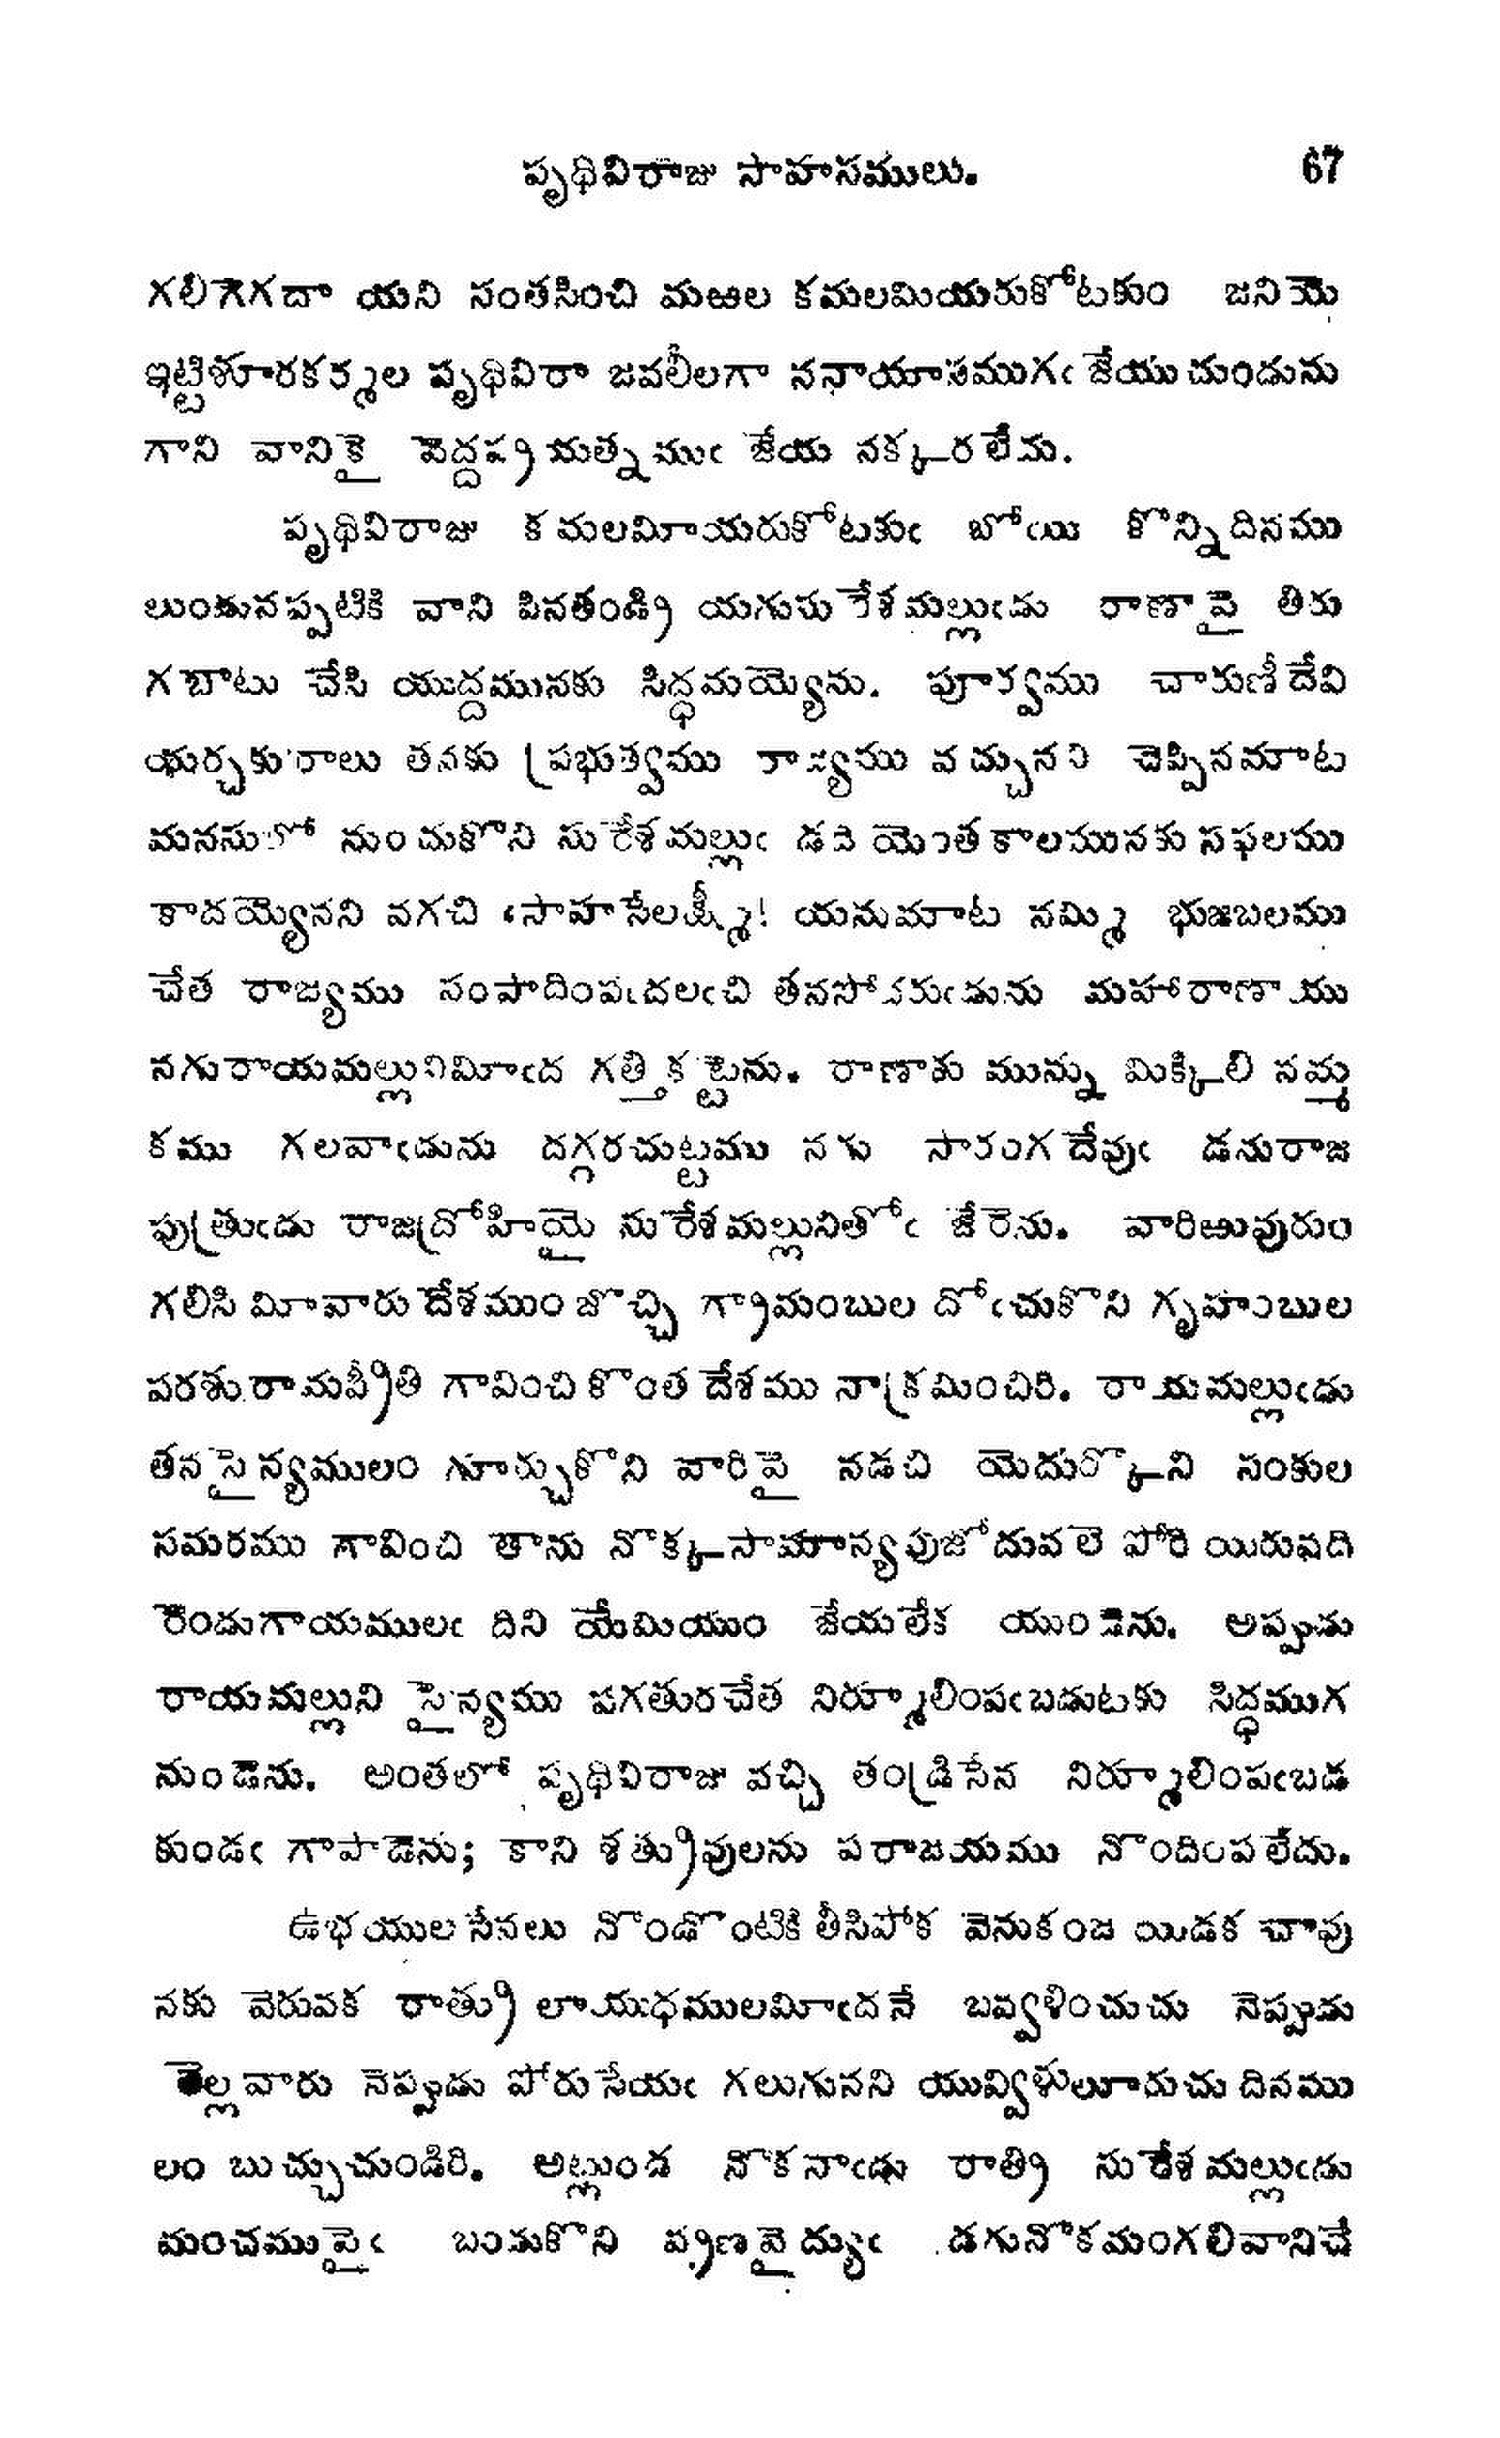గలిగేగదా యని సంతసించి మఱల కమలమియరుకోటకుం జనియె ఇట్టిశూరకర్మల పృథివిరా జవలీలగా ననాయాసముగఁ జేయు చుండును
గాని వానికై పెద్ద ప్రయత్నముఁ జేయ నక్కర లేదు.

పృథివిరాజు కమలమీయరుకోటకుఁ బోయి కొన్ని దినము లుండునప్పటికి వాని పినతండ్రి యగు సురేశమల్లుఁడు రాణా పై తిరుగబాటు చేసి యుద్దమునకు సిద్ధమయ్యెను. పూర్వము చారుణీ దేవి యర్చకురాలు తనకు ప్రభుత్వము రాజ్యము వచ్చునని చెప్పినమాట మనసులో నుంచుకొని సురేశమల్లుఁ డది యెత కాలమునకు సఫలము కాదయ్యెనని వగచి సాహసేలక్ష్మీ! యనుమాట నమ్మి భుజబలము చేత
రాజ్యము సంపాదింపఁదలఁచి తనసోదరుఁడును మహారాణాయు నగురాయమల్లు నిమీఁద గత్తి కట్టెను. రాణాకు మున్ను మిక్కిలి నమ్మకము గలవాఁడును దగ్గరచుట్టము నగు సారంగ దేవుఁ డనురాజపుత్రుఁడు రాజద్రోహియై సురేశ మల్లునితోఁ జేరెను. వారిఱువురుం గలిసి మీవారు దేశముం జొచ్చి గ్రామంబుల దోఁచుకొని గృహంబుల పరశురామప్రీతి గావించి కొంత దేశము నాక్రమించిరి. రాయమల్లుఁడు తన సైన్యములం గూర్చుకొని వారిపై నడచి యెదుక్కొని సంకుల సమరము గావించి తాను నొక్క సామాన్యపుజోదువలె పోరి యిరువది రెండుగాయములఁ దిని యేమియుం జేయలేక యుండెను. అప్పుడు రాయమల్లుని సైన్యము పగతురచేత నిర్మూలింపఁబడుటకు సిద్ధముగ నుండెను. అంతలో పృథివిరాజు వచ్చి తండ్రి సేన నిర్మూలింపఁబడ కుండఁ గాపాడెను; కాని శత్రువులను పరాజయము నొందింప లేదు.

ఉభయుల సేనలు నొండొంటికి తీసిపోక వెనుకంజ యిడక చావునకు వెరువక రాత్రులా యుధములమీదనే బవ్వళించుచు నెప్పుడు
తెల్లవారు నెప్పుడు పోరు సేయఁ గలుగునని యువ్విళులూరుచు దినములం బుచ్చుచుండిరి. అట్లుండ నొకనాఁడు రాత్రి సురేశ మల్లుఁడు
మంచము పై బండుకోని ప్రణవైద్యుఁ డగునోకమంగలివానిచే